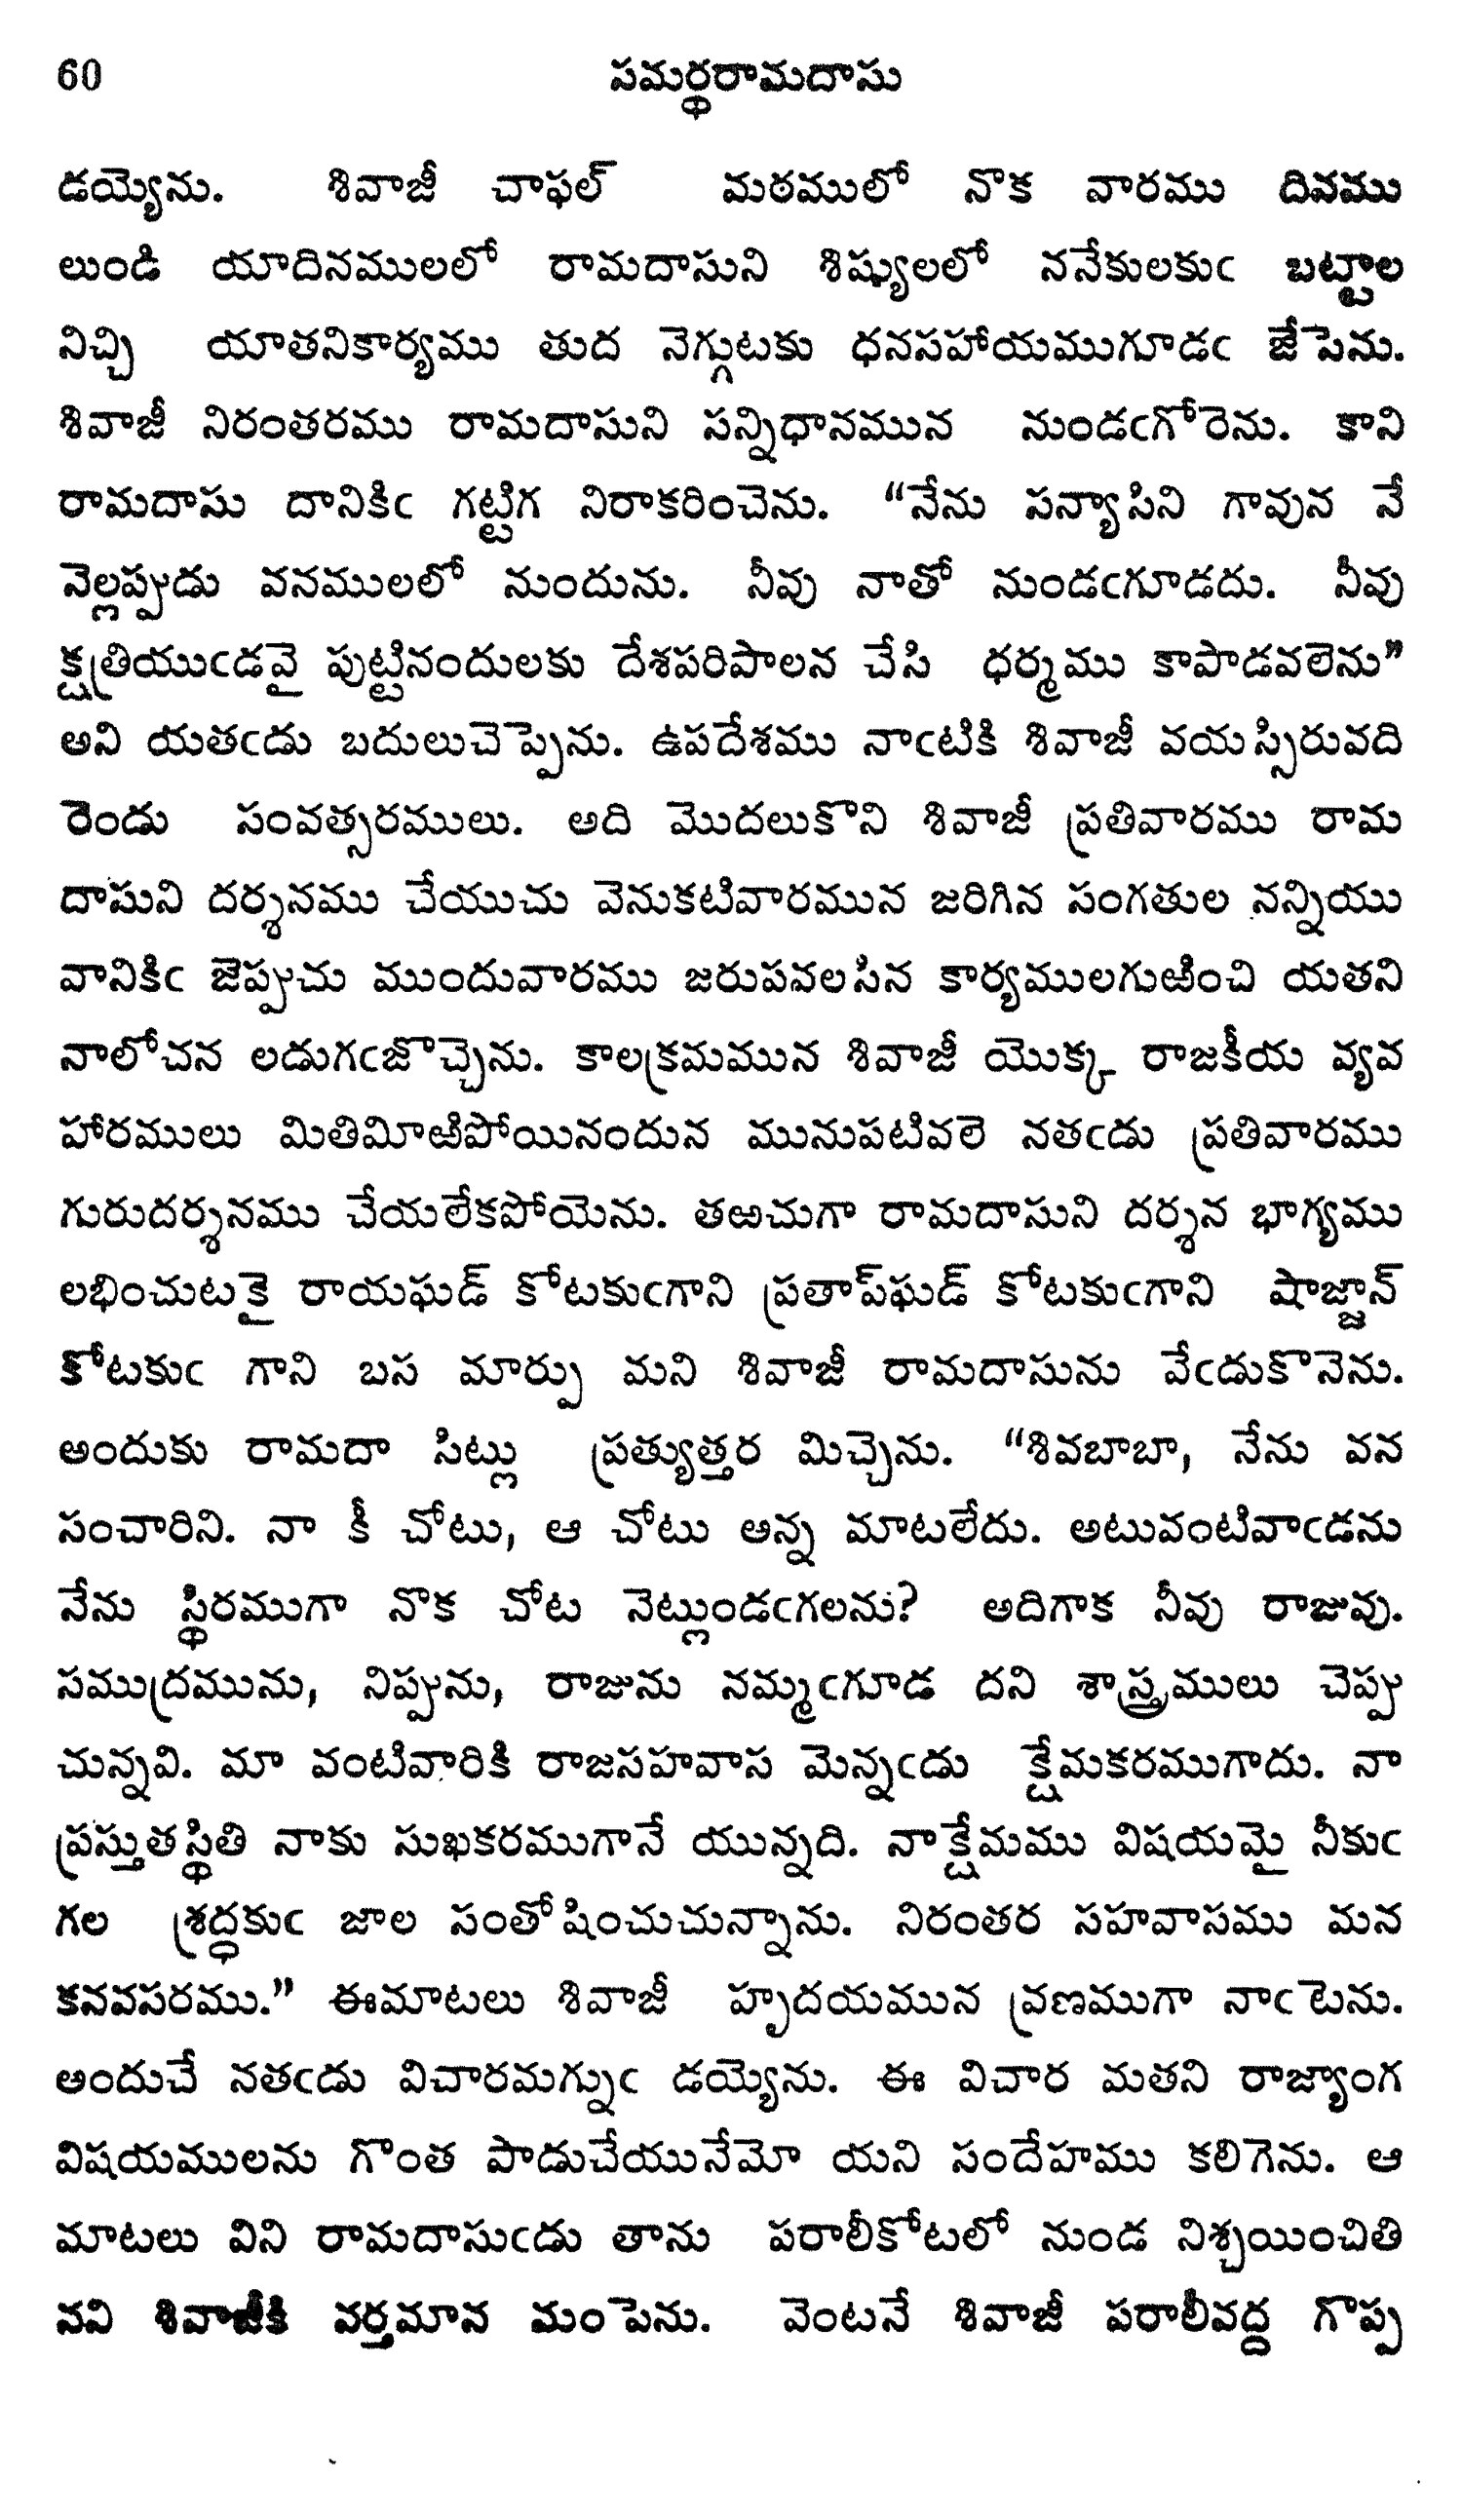డయ్యెను. శివాజీ చాఫల్ మఠములో నొక వారము దినము లుండి యాదినములలో రామదాసుని శిష్యులలో ననేకులకు బట్టాలనిచ్చి యాతనికార్యము తుద నెగ్గుటకు ధనసహాయముగూడ జేసెను. శివాజీ నిరంతరము రామదాసుని సన్నిధానమున నుండగోరెను. కాని రామదాసు దానికి గట్టిగ నిరాకరించెను. "నేను సన్యాసిని గావున నేనెల్లప్పుడు వనములలో నుందును. నీవు నాతో నుండగూడదు. నీవు క్షత్రియుడవై పుట్టినందులకు దేశపరిపాలన చేసి ధర్మము కాపాడవలెను" అని యతడు బదులుచెప్పెను. ఉపదేశము నాటికి శివాజీ వయస్సిరువది రెండు సంవత్సరములు. అది మొదలుకొని శివాజీ ప్రతివారము రామదాసుని దర్శనము చేయుచు వెనుకటివారమున జరిగిన సంగతుల నన్నియు వానికి జెప్పుచు ముందువారము జరుపవలసిన కార్యములగుఱించి యతని నాలోచన లడుగజొచ్చెను. కాలక్రమమున శివాజీ యొక్క రాజకీయ వ్యవహారములు మితిమీఱిపోయినందున మునుపటివలె నతడు ప్రతివారము గురుదర్శనము చేయలేకపోయెను. తఱచుగా రామదాసుని దర్శన భాగ్యము లభించుటకై రాయఘడ్ కోటకుగాని ప్రతాప్‌ఘడ్ కోటాకుగాని షాజ్జాన్ కోటకు గాని బస మార్పు మని శివాజీ రామదాసును వేడుకొనెను. అందుకు రామదా సిట్లు ప్రత్యుత్తర మిచ్చెను. "శివబాబా, నేను వనసంచారిని. నా కీ చోటు, ఆ చోటు అన్న మాటలేదు. అటువంటివాడను నేను స్థిరముగా నొక చోట నెట్లుండగలను? అదిగాక నీవు రాజువు. సముద్రమును, నిప్పును, రాజును నమ్మగూడ దని శాస్త్రములు చెప్పు చున్నవి. మా వంటివారికి రాజసహవాస మెన్నడు క్షేమకరముగాదు. నా ప్రస్తుతస్థితి నాకు సుఖకరముగానే యున్నది. నాక్షేమము విషయమై నీకుగల శ్రద్ధకు జాల సంతోషించుచున్నాను. నిరంతర సహవాసము మన కనవసరము." ఈమాటలు శివాజీ హృదయమున వ్రణముగా నాటెను. అందుచే నతడు విచారమగ్ను డయ్యెను. ఈ విచార మతని రాజ్యాంగ విషయములను గొంత పాడుచేయునేమో యని సందేహము కలిగెను. ఆ మాటలు విని రామదాసుడు తాను పరాలీకోటలో నుండ నిశ్చయించితినని శివాజీకి వర్తమాన మంపెను. వెంటనే శివాజీ పరాలీవద్ద గొప్ప